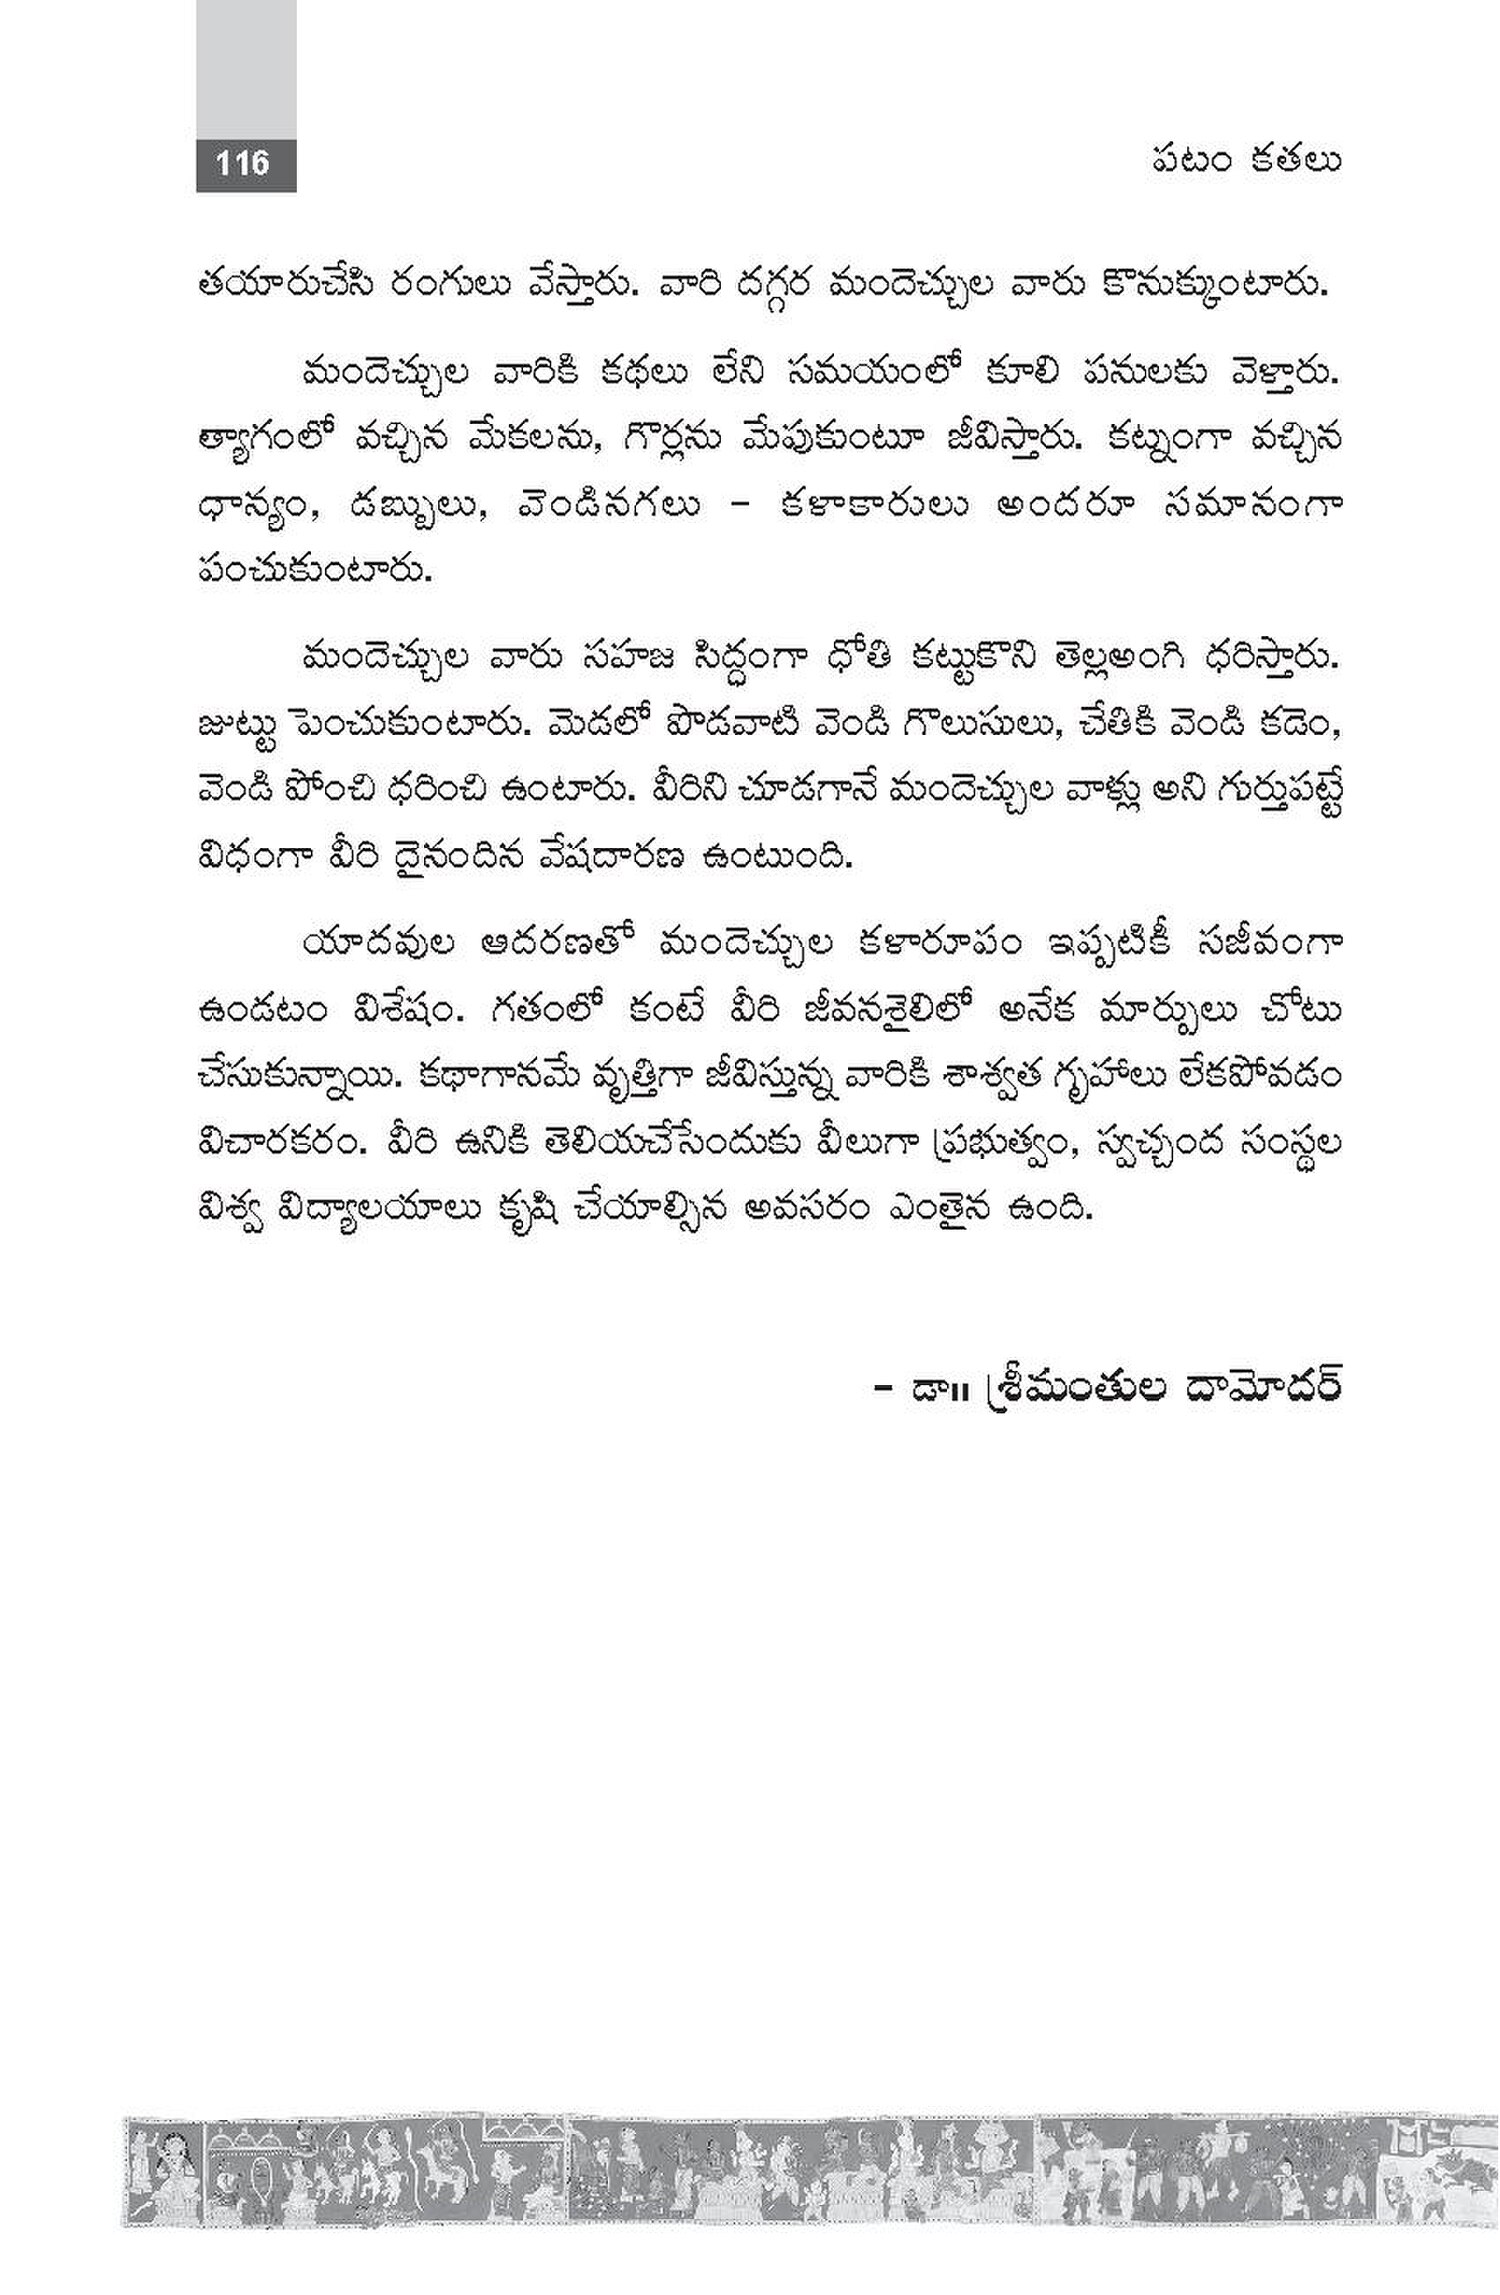తయారుచేసి రంగులు వేస్తారు. వారి దగ్గర మందెచ్చుల వారు కొనుక్కుంటారు.

మందెచ్చుల వారికి కథలు లేని సమయంలో కూలి పనులకు వెళ్తారు. త్యాగంలో వచ్చిన మేకలను, గొర్లను మేపుకుంటూ జీవిస్తారు. కట్నంగా వచ్చిన ధాన్యం, డబ్బులు, వెండినగలు కళాకారులు అందరూ సమానంగా పంచుకుంటారు.

మందెచ్చుల వారు సహజ సిద్ధంగా ధోతి కట్టుకొని తెల్లఅంగి ధరిస్తారు. జుట్టు పెంచుకుంటారు. మెదలో పొడవాటి వెండి గొలుసులు, చేతికి వెండి కడెం, వెండి పోంచి ధరించి ఉంటారు. వీరిని చూడగానే మందెచ్చుల వాళ్లు అని గుర్తుపట్టే
విధంగా వీరి దైనందిన వేషదారణ ఉంటుంది.

యాదవుల ఆదరణతో మందెచ్చుల కళారూపం ఇప్పటికీ సజీవంగా ఉండటం విశేషం. గతంలో కంటే వీరి జీవనశైలిలో అనేక మార్పులు చోటు చేసుకున్నాయి. కథాగానమే వృత్తిగా జీవిస్తున్న వారికి శాశ్వత గృహాలు లేకపోవడం విచారకరం. వీరి ఉనికి తెలియచేసేందుకు వీలుగా ప్రభుత్వం, స్వచ్చంద సంస్థల విశ్వ విద్యాలయాలు కృషి చేయాల్సిన అవసరం ఎంతైన ఉంది.